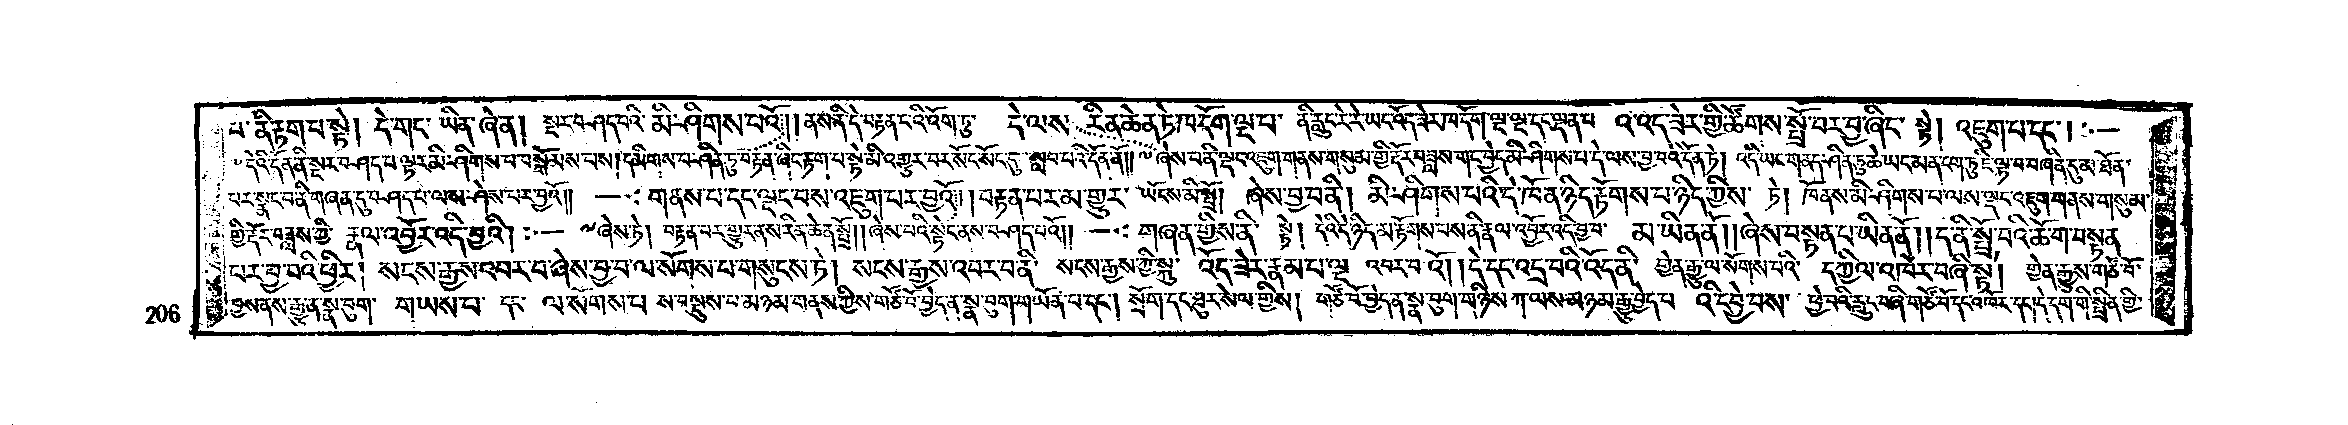པ་ནི་རྟག་པ་སྟེ། དེ་གང་ཡིན་ཞེ་ན། སྔར་བཤད་པའི་མི་ཤིགས་པའོ། །ནས་ནི་དེ་བརྟན་པའི་འོག་ཏུ་དེ་ལས་རིན་ཆེན་ཏེ་ཁ་དོག་ལྔ་པ་ནི་རླུང་རེ་རེ་ཡང་འོད་ཟེར་ཁ་དོག་ལྔ་ལྔ་དང་ལྡན་པའི་འོད་ཟེར་གྱི་ཚོགས་སྤྲོ་བར་བྱ་ཞིང་སྟེ།  འཇུག་པ་དང་།
༧དེའི་དོན་ནི་སྔར་བཤད་པ་ལྟར་མི་ཤིགས་པ་བསྒོམས་པས། དམིགས་པ་ཤིན་ཏུ་བརྟན་ཞིང་རྟག་པ་སྟེ་མི་འགྱུར་བར་སོང་སོང་དུ་བསླབ་པའི་དོན་ནོ།། ༧ཞེས་པ་ནི་ལྡང་འཇུག་གནས་གསུམ་གྱི་རྡོར་བཟླས་གང་བྱེད་མི་ཤིགས་པ་དེ་ལས་བྱ་བའི་དོན་ཏེ། འདི་ཡང་གནད་ཤིན་ཏུ་ཆེ་ཡང་མན་ངག་ཏུ་ཇི་ལྟ་བ་བཞིན་དུ་མ་ཐོན་
པར་སྣང་བ་ནི་གཞན་དུ་བཤད་པ་ལས་ཤེས་པར་བྱའོ།། གནས་པ་དང་ལྡང་བས་འཇུག་པར་བྱའོ། །བརྟན་པར་མ་གྱུར་ཡོངས་མི་སྤྲོ།  ཞེས་བྱ་བ་ནི། མི་ཤིགས་པའི་དེ་ཁོ་ན་ཉིད་རྟོགས་པ་ཉིད་ཀྱིས་ཏེ། ཁོ་ནས་མི་ཤིགས་པ་ལས་ལྡང་འཇུག་གནས་གསུམ་
གྱི་རྡོར་བཟླས་ཀྱི་རྣལ་འབྱོར་འདི་བྱའི། ༧ཞེས་ཏེ། བརྟན་པར་གྱུར་ནས་རིན་ཆེན་སྤྲོ། །ཞེས་པའི་སྟེང་ནས་བཤད་པའོ།།  གཞན་གྱིས་ནི་སྟེ། དེའི་དེ་ཉིད་མ་རྟོགས་པས་ནི་རྣལ་འབྱོར་འདི་བྱ་བ་མ་ཡིན་ནོ། །ཞེས་བསྟན་པ་ཡིན་ནོ། །ད་ནི་སྤྲོ་བའི་ཆོ་ག་བསྟན་
པར་བྱ་བའི་ཕྱིར། སངས་རྒྱས་འབར་བ་ཞེས་བྱ་བ་ལ་སོགས་པ་གསུངས་ཏེ། སངས་རྒྱས་འབར་བ་ནི་སངས་རྒྱས་ཀྱི་སྐུ་འོད་ཟེར་རྣམ་པ་ལྔ་འབར་བའོ།  །དེ་དང་འདྲ་བའི་འོད་ནི་གྱེན་རྒྱུ་ལ་སོགས་པའི་དཀྱིལ་འཁོར་བཞི་སྟེ། གྱེན་རྒྱུས་གཙོ་བོ་
བྱས་ནས་རྒྱུ་ན་སྣ་བུག་གཡས་པ་དང་ལ་སོགས་པ་ས་བསྡུས་པ་མཉམ་གནས་ཀྱིས་གཙོ་བོ་བྱེད་ན་སྣ་བུག་གཡོན་པ་དང་། སྲོག་དང་ཐུར་སེལ་གྱིས། གཙོ་བོ་བྱེད་ན་སྣ་བུག་གཉིས་ཀ་ལས་མཉམ་རྒྱུ་བྱེད་པའི་དབྱེ་བས་ཕྱེ་བའི་རླུང་བཞི་གཙོ་བོ་དང་འཁོར་དང་། དེ་དག་གི་སྤྲིན་གྱི